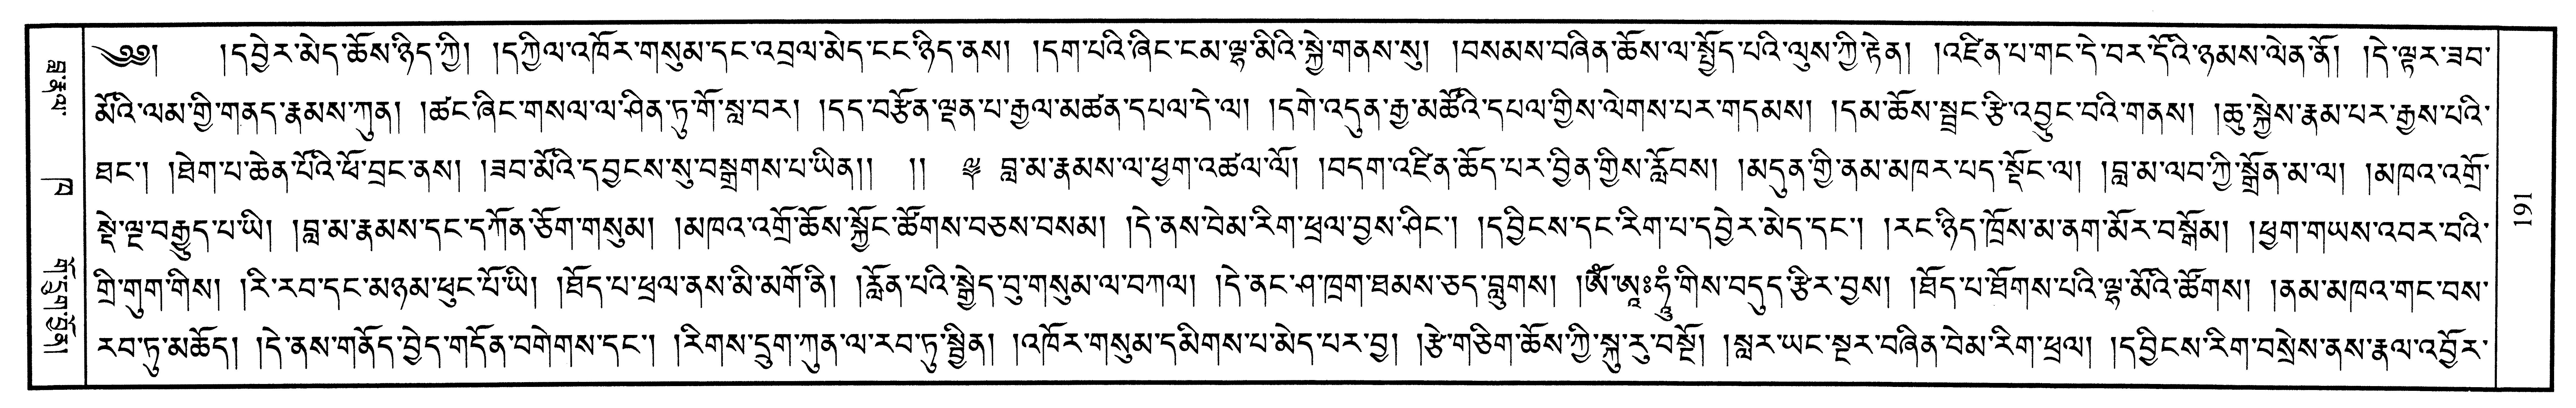༄༅། །དབྱེར་མེད་ཆོས་ཉིད་ཀྱི། །དཀྱིལ་འཁོར་གསུམ་དང་འབྲལ་མེད་ངང་ཉིད་ནས། །དག་པའི་ཞིང་ངམ་ལྷ་མིའི་སྐྱེ་གནས་སུ། །བསམས་བཞིན་ཆོས་ལ་སྤྱོད་པའི་ལུས་ཀྱི་རྟེན། །འཛིན་པ་གང་དེ་བར་དོའི་ཉམས་ལེན་ནོ། །དེ་ལྟར་ཟབ་
མོའི་ལམ་གྱི་གནད་རྣམས་ཀུན། །ཚང་ཞིང་གསལ་ལ་ཤིན་ཏུ་གོ་སླ་བར། །དད་བརྩོན་ལྡན་པ་རྒྱལ་མཚན་དཔལ་དེ་ལ། །དགེ་འདུན་རྒྱ་མཚོའི་དཔལ་གྱིས་ལེགས་པར་གདམས། །དམ་ཆོས་སྦྲང་རྩི་འབྱུང་བའི་གནས། །ཆུ་སྐྱེས་རྣམ་པར་རྒྱས་པའི་
ཐང་། །ཐེག་པ་ཆེན་པོའི་ཕོ་བྲང་ནས། །ཟབ་མོའི་དབྱངས་སུ་བསྒྲགས་པ་ཡིན།། །། ༈ བླ་མ་རྣམས་ལ་ཕྱག་འཚལ་ལོ། །བདག་འཛིན་ཆོད་པར་བྱིན་གྱིས་རློབས། །མདུན་གྱི་ནམ་མཁར་པད་སྡོང་ལ། །བླ་མ་ལབ་ཀྱི་སྒྲོན་མ་ལ། །མཁའ་འགྲོ་
སྡེ་ལྔ་བརྒྱུད་པ་ཡི། །བླ་མ་རྣམས་དང་དཀོན་ཅོག་གསུམ། །མཁའ་འགྲོ་ཆོས་སྐྱོང་ཚོགས་བཅས་བསམ། །དེ་ནས་བེམ་རིག་ཕྲལ་བྱས་ཤིང་། །དབྱིངས་དང་རིག་པ་དབྱེར་མེད་དང་། །རང་ཉིད་ཁྲོས་མ་ནག་མོར་བསྒོམ། །ཕྱག་གཡས་འབར་བའི་
གྲི་གུག་གིས། །རི་རབ་དང་མཉམ་ཕུང་པོ་ཡི། །ཐོད་པ་ཕྲལ་ནས་མི་མགོ་ནི། །རློན་པའི་སྒྱེད་བུ་གསུམ་ལ་བཀལ། །དེ་ནང་ཤ་ཁྲག་ཐམས་ཅད་བླུགས། །ཨོཾ་ཨཱཿ ཧཱུཾ་གིས་བདུད་རྩིར་བྱས། །ཐོད་པ་ཐོགས་པའི་ལྷ་མོའི་ཚོགས། །ནམ་མཁའ་གང་བས།
རབ་ཏུ་མཆོད། །དེ་ནས་གནོད་བྱེད་གདོན་བགེགས་དང་། །རིགས་དྲུག་ཀུན་ལ་རབ་ཏུ་སྦྱིན། །འཁོར་གསུམ་དམིགས་པ་མེད་པར་བྱ། །རྩེ་གཅིག་ཆོས་ཀྱི་སྐུ་རུ་བསྔོ། །སླར་ཡང་སྔར་བཞིན་བེམ་རིག་ཕྲལ། །དབྱིངས་རིག་བསྲེས་ནས་རྣལ་འབྱོར་